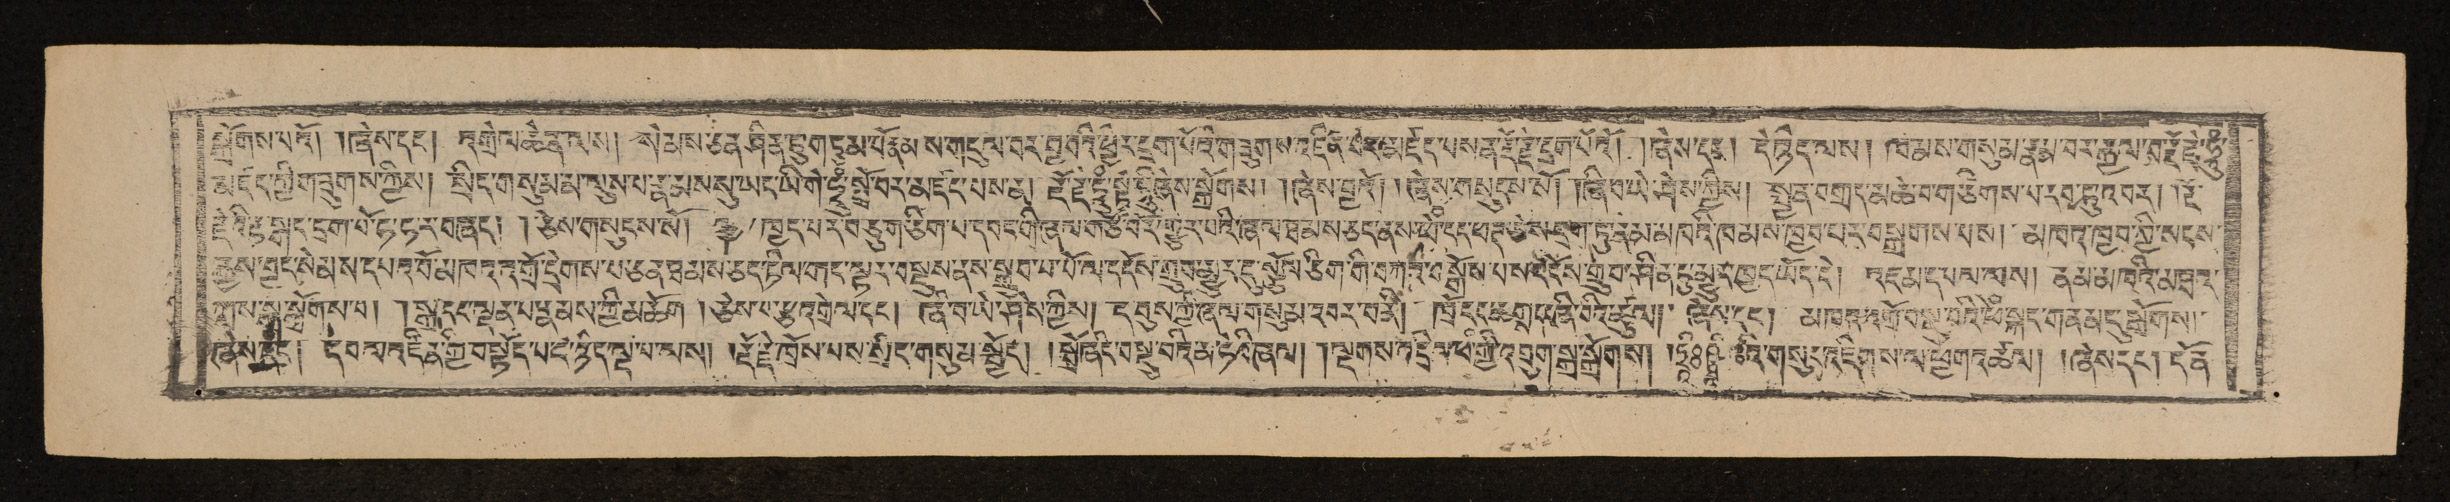སྒྲོགས་པའོ། །ཞེས་དང་། འགྲེལ་ཆེན་ལས། སེམས་ཅན་ཤིན་ཏུ་གཏུམ་པོ་རྣམས་གདུལ་བར་བྱ་བའི་ཕྱིར་དྲག་པོའི་གཟུགས་འཛིན་པར་མཛད་པས་ན་རྡོ་རྗེ་དྲག་པོའོ། །ཞེས་དང་། དེ་ཉིད་ལས། ཁམས་གསུམ་རྣམ་པར་རྒྱལ་བ་རྡོ་རྗེ་ཧཱུཾ་
མཛད་ཀྱི་གཟུགས་ཀྱིས། སྲིད་གསུམ་མ་ལུས་པ་རྣམས་སུ་ཡང་ཡི་གེ་ཧཱུཾ་སྤྲོ་བར་མཛད་པས་ན། རྡོ་རྗེ་ཧཱུཾ་སྟེ་ཧཱུཾ་ཞེས་སྒྲོགས། །ཞེས་བྱའོ། །ཞེས་གསུངས་སོ། །ཞི་བ་ཡེ་ཤེས་ཀྱིས། སྤྱན་བགྲད་མཆེ་བ་གཙིགས་པ་རབ་ཏུ་འབར། །རྡོ་
རྗེའི་རྟ་སྐད་དྲག་པོ་ཧ་ཧར་བཞད། །ཅེས་གསུངས་སོ། ༈ །ཁྱད་པར་བཅུ་གཅིག་པ་དབང་གི་ཞལ་གཙོ་བོར་གྱུར་པའི་ཞལ་ཐམས་ཅད་ནས་ཕེཾ་དང་ཕཊ་ཅེས་དྲག་ཏུ་ནམ་མཁའི་ཁམས་ཁྱབ་པར་བསྒྲགས་པས། མཁའ་ཁྱབ་ཀྱི་སངས་
རྒྱས་བྱང་སེམས་དཔའ་བོ་མཁའ་འགྲོ་དྲེགས་པ་ཅན་ཐམས་ཅད་ཏིལ་གང་ལྟར་བསྡུས་ནས་སྒྲུབ་པ་པོ་ལ་དངོས་གྲུབ་མྱུར་དུ་སྩོལ་ཅིག་གི་བཀའ་བསྒོས་པས་དངོས་གྲུབ་ཤིན་ཏུ་མྱུར་ཁྱད་ཡོད་དེ། འཇམ་དཔལ་ལས། ནམ་མཁའི་མཐའ་
ཀླས་སྒྲ་སྒྲོགས་པ། །སྒྲ་དང་ལྡན་པ་རྣམས་ཀྱི་མཆོག །ཅེས་པ་རྩ་འགྲེལ་དང་། ཞི་བ་ཡེ་ཤེས་ཀྱིས། དབུས་ཀྱི་ཞལ་གསུམ་འབར་བ་ནི། །ཁྲོ་དང་ཆགས་དང་ཞི་བའི་ཚུལ། །ཞེས་དང་། མཁའ་འགྲོ་བསྡུ་བའི་ཕེཾ་སྐད་གནམ་དུ་སྒྲོགས། །
ཞེས་དང་། དཔལ་འཛིན་གྱི་བསྟོད་པ་དེ་ཉིད་ལྔ་པ་ལས། རྡོ་རྗེ་ཁྲོས་པས་སྲིད་གསུམ་སྦྱོང་། །སྤྲོ་ཞིང་བསྡུ་བའི་མ་ཧེའི་ཞལ། །ལྗགས་འདྲིལ་ཕེཾ་གྱི་འབྲུག་སྒྲ་སྒྲོགས། །ཧྲཱིཿཥྚྲཱིཿའི་གསུང་འཇིགས་ལ་ཕྱག་འཚལ། །ཞེས་དང་། དོན་